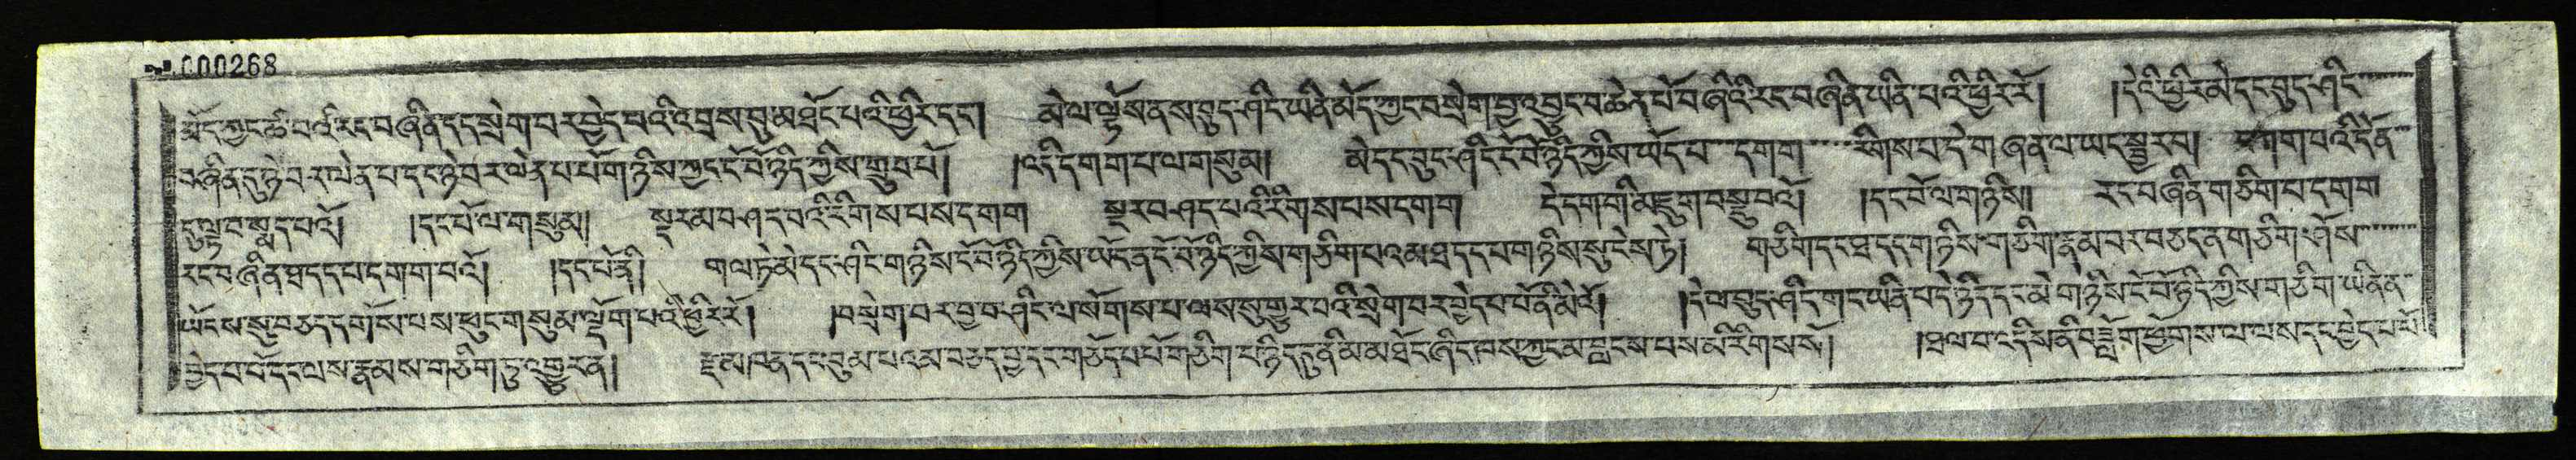མོད་ཀྱང་ཚ་བའི་རང་བཞིན་དང་སྲེག་པར་བྱེད་པའི་འབྲས་བུ་མཐོང་པའི་ཕྱིར་དང་། མེ་ལ་ལྟོས་ནས་བུད་ཤིང་ཡིན་མོད་ཀྱང་བསྲེག་བྱ་འབྱུང་བ་ཆེན་པོ་བཞིའི་རང་བཞིན་ཡིན་པའི་ཕྱིར་རོ། །དེའི་ཕྱིར་མེ་དང་བུད་ཤིང་
བཞིན་དུ་ཉེ་བར་ལེན་པ་དང་ཉེ་བར་ལེན་པ་པོ་གཉིས་ཀྱང་ངོ་བོ་ཉིད་ཀྱིས་གྲུབ་པོ། །འདི་དགག་པ་ལ་གསུམ། མེ་དང་བུད་ཤིང་ངོ་བོ་ཉིད་ཀྱིས་ཡོད་པ་དགག་རིགས་པ་དེ་གཞན་ལ་ཡང་སྦྱར་བ། བཀག་པའི་དོན་
དུ་ལྟ་བ་སྨད་པའོ། །དང་པོ་ལ་གསུམ། སྔར་མ་བཤད་པའི་རིགས་པས་དགག་སྔར་བཤད་པའི་རིགས་པས་དགག་དེ་དག་གི་མཇུག་བསྡུ་བའོ། །དང་པོ་ལ་གཉིས། རང་བཞིན་གཅིག་པ་དགག་
རང་བཞིན་ཐ་དད་པ་དགག་པའོ། །དང་པོ་ནི། གལ་ཏེ་མེ་དང་ཤིང་གཉིས་ངོ་བོ་ཉིད་ཀྱིས་ཡོང་ན་ངོ་བོ་ཉིད་ཀྱིས་གཅིག་པའམ་ཐ་དད་པ་གཉིས་སུ་ངེས་ཏེ། གཅིག་དང་ཐ་དད་གཉིས་གཅིག་རྣམ་པར་བཅད་ན་གཅིག་ཤོས་
ཡོངས་སུ་བཅད་དགོས་པས་ཕུང་གསུམ་ལྡོག་པའི་ཕྱིར་རོ། །བསྲེག་བར་བྱ་བ་ཤིང་ལ་སོགས་པ་ལས་སུ་གྱུར་བའི་སྲེག་བར་བྱེད་པ་པོ་ནི་མེའོ། །དེ་ལ་བུད་ཤིང་གང་ཡིན་པ་དེ་ཉིད་དང་མེ་གཉིས་ངོ་བོ་ཉིད་ཀྱིས་གཅིག་ཡིན་ན་
བྱེད་པ་པོ་དང་ལས་རྣམས་གཅིག་ཏུ་འགྱུར་ན། རྫ་མཁན་དང་བུམ་པའམ་བཅད་བྱ་དང་གཅོད་པ་པོ་གཅིག་པ་ཉིད་དུ་ནི་མ་མཐོང་ཞིང་ཁས་ཀྱང་མ་བླངས་པས་མི་རིགས་སོ། །ཐལ་བ་འདིས་ནི་བཟློག་ཕྱོགས་ལ་ལས་དང་བྱེད་པ་པོ་